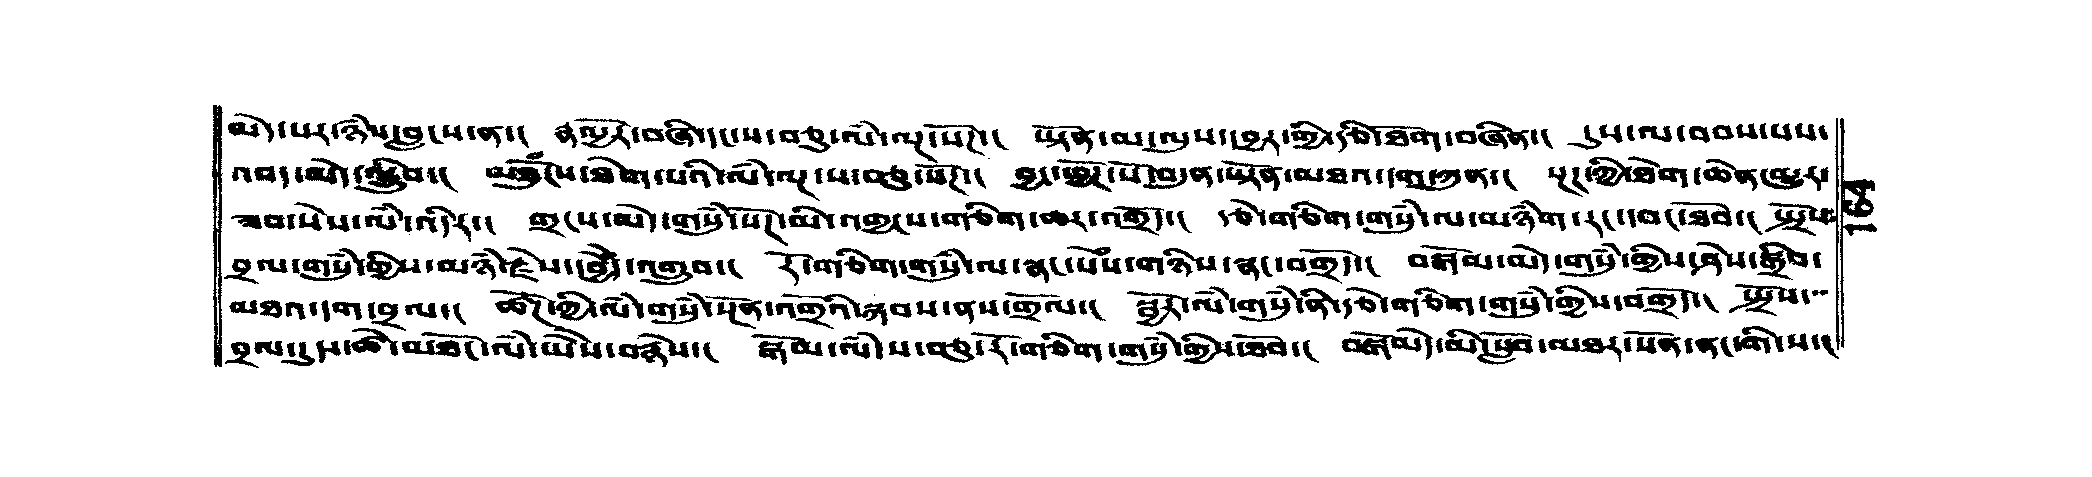མེད་པར་ཉམས་བླངས་ན། །རྣལ་འབྱོར་བཞི་དང་ས་བཅུ་ལམ་ལྔ་སོགས། །ཡོན་ཏན་མ་ལུས་དབྱར་གྱི་རྩི་ཐོག་བཞིན། །དུས་ལ་བབས་པས་
འབད་མེད་ལྷུན་གྱིས་གྲུབ། །ཐུན་མོང་ཐེག་པའི་ལམ་ལྔ་ས་བཅུ་སོགས། །བྱང་ཕྱོགས་སོ་བདུན་ཡོན་ཏན་མཐའ་དག་ཀུན། །སྔགས་ཀྱི་ཐེག་ཆེན་མྱུར་
ཟབ་ས་ལམ་འདིར། །གྲངས་མེད་གསུམ་སོགས་མི་འགྱངས་གཅིག་ཆར་བགྲོད། །རྩེ་གཅིག་གསུམ་ལ་མཉམ་གཞག་རང་དབང་ཐོབ། །སྤྲོས་
བྲལ་གསུམ་གྱིས་མཉམ་རྗེས་དབྱེར་མེད་འགྲུབ། །རོ་གཅིག་གསུམ་ལ་སྣང་སེམས་གཉིས་སྣང་བགྲོད། །སྒོམ་མེད་གསུམ་གྱིས་ཤེས་སྒྲིབ་
མཐའ་དག་བྲལ། །ཚོགས་གྱི་ལམ་གསུམ་སྔོན་འགྲོའི་སྐབས་ནས་གྲོལ། །སྦྱོར་ལམ་གསུམ་ནི་རྩེ་གཅིག་གསུམ་གྱིས་བགྲོད།སྤྲོས་
བྲལ་དུས་ཚེ་མཐོང་ལམ་ཡེ་ཤེས་བརྙེས། །སྒོམ་ལམ་ས་བཅུ་རོ་གཅིག་གསུམ་གྱིས་ཐོབ། །སྒོམ་མེད་མི་སློབ་མཐར་སོན་ནང་གི་ས།